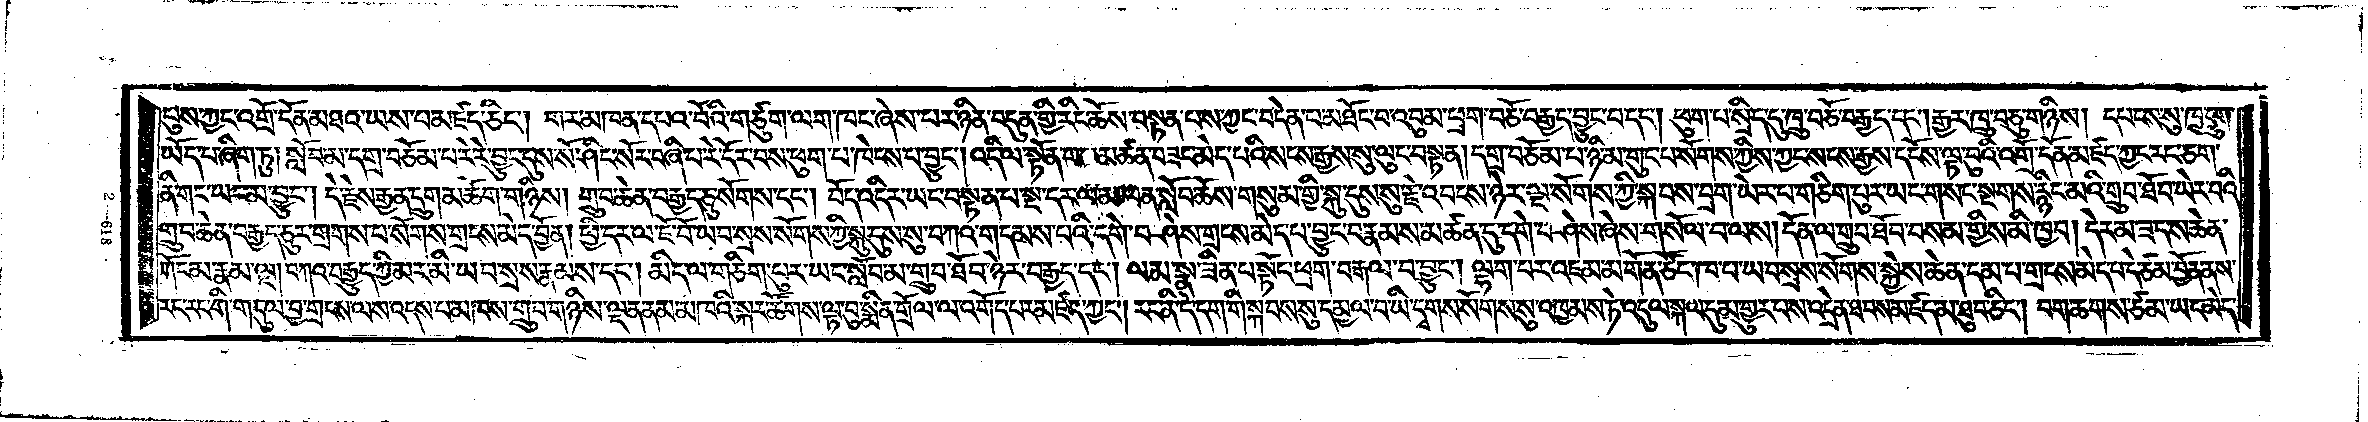པུས་ཀྱང་འགྲོ་དོན་མཐའ་ཡས་བ་མཛད་ཅིང་། གར་མཁན་དཔའ་བོའི་གཙུག་ལག་ཁང་ཞེས་པར་ཉིན་བདུན་གྱི་རིང་ཆོས་བསྟན་པས་ཀྱང་བདེན་པ་མཐོང་བ་འབུམ་ཕྲག་བཅོ་བརྒྱད་བྱུང་བ་དང་། ཕུག་པ་སྲིད་དུ་ཁྲུ་བཅོ་བརྒྱད་དང་། རྒྱར་ཁྲུ་བཅུ་གཉིས། དཔངས་སུ་ཁྲུ་དྲུག་
ཡོད་པ་ཞིག་ཏུ། སློབ་མ་དགྲ་བཅོམ་པ་རེ་རེ་བྱུང་དུས་སོ་ཤིང་སོར་བཞི་པ་རེ་དོར་བས་ཕུག་པ་ཁེངས་པ་བྱུང་། འདི་ལ་སྟོན་པ་མཚན་བཟང་མེད་པའི་སངས་རྒྱས་སུ་ལུང་བསྟན། དགྲ་བཅོམ་པ་ཉི་མ་གུང་པ་སོགས་ཀྱིས་ཀྱང་སངས་རྒྱས་དངོས་ལྟ་བུའི་འགྲོ་དོན་མཛད་ཀྱང་རང་ཅག་
ནི་གང་ཡང་མ་བྱུང་། དེ་རྗེས་རྒྱན་དྲུག་མཆོག་གཉིས། གྲུབ་ཆེན་བརྒྱད་ཅུ་སོགས་དང་། བོད་འདིར་ཡང་བསྟན་པ་སྔ་དར་ལ་མཁན་སློབ་ཆོས་གསུམ་གྱི་སྐུ་དུས་སུ་རྗེ་འབངས་ཉེར་ལྔ་སོགས་ཀྱི་སྐབས་བྲག་ཡེར་པ་གཅིག་པུར་ཡང་གསང་སྔགས་རྙིང་མའི་གྲུབ་ཐོབ་ཡེར་བའི་
གྲུབ་ཆེན་བརྒྱད་ཅུར་གྲགས་པ་སོགས་གྲངས་མེད་བྱོན། ཕྱི་དར་ལ་ཇོ་བོ་ཡབ་སྲས་སོགས་ཀྱི་སྐུ་དུས་སུ་བཀའ་གདམས་པའི་དགེ་བཤེས་གྲངས་མེད་པ་བྱུང་བ་རྣམས་མཚན་དུ་དགེ་བཤེས་ཞེས་གསོལ་བ་ལས། དོན་ལ་གྲུབ་ཐོབ་བསམ་གྱིས་མི་ཁྱབ། དེར་མ་ཟད་ས་ཆེན་
གོང་མ་རྣམ་ལྔ། བཀའ་བརྒྱུད་ཀྱི་མར་མི་ཡབ་སྲས་རྣམས་དང་། མིད་ལ་གཅིག་པུར་ཡང་སློབ་མ་གྲུབ་ཐོབ་ཉེར་བརྒྱད་དང་། ལམ་སྣ་ཟིན་པ་སྟོང་ཕྲག་བརྒལ་བ་བྱུང་། ལྷག་པར་འཇམ་མགོན་ཙོང་ཁ་པ་ཡབ་སྲས་སོགས་སྐྱེས་ཆེན་དམ་པ་གྲངས་མེད་པ་དེ་ཙམ་བྱོན་ནས་
རང་རང་གི་གདུལ་བྱ་གྲངས་ལས་འདས་པ་མཁས་གྲུབ་གཉིས་ལྡན་ནམ་མཁའི་སྐར་ཚོགས་ལྟ་བུ་སྨིན་གྲོལ་ལ་འགོད་པར་མཛད་ཀྱང་། རང་ནི་དེ་དག་གི་སྐབས་སུ་དམྱལ་བ་ཡི་དྭགས་སོགས་སུ་འཁྱམས་ཏེ་འདུལ་སྐལ་དུ་མ་གྱུར་པས་འདྲེན་ཐབས་མཛད་མ་ཐུབ་ཅིང་། བག་ཆགས་ཙམ་ཡང་མེད་